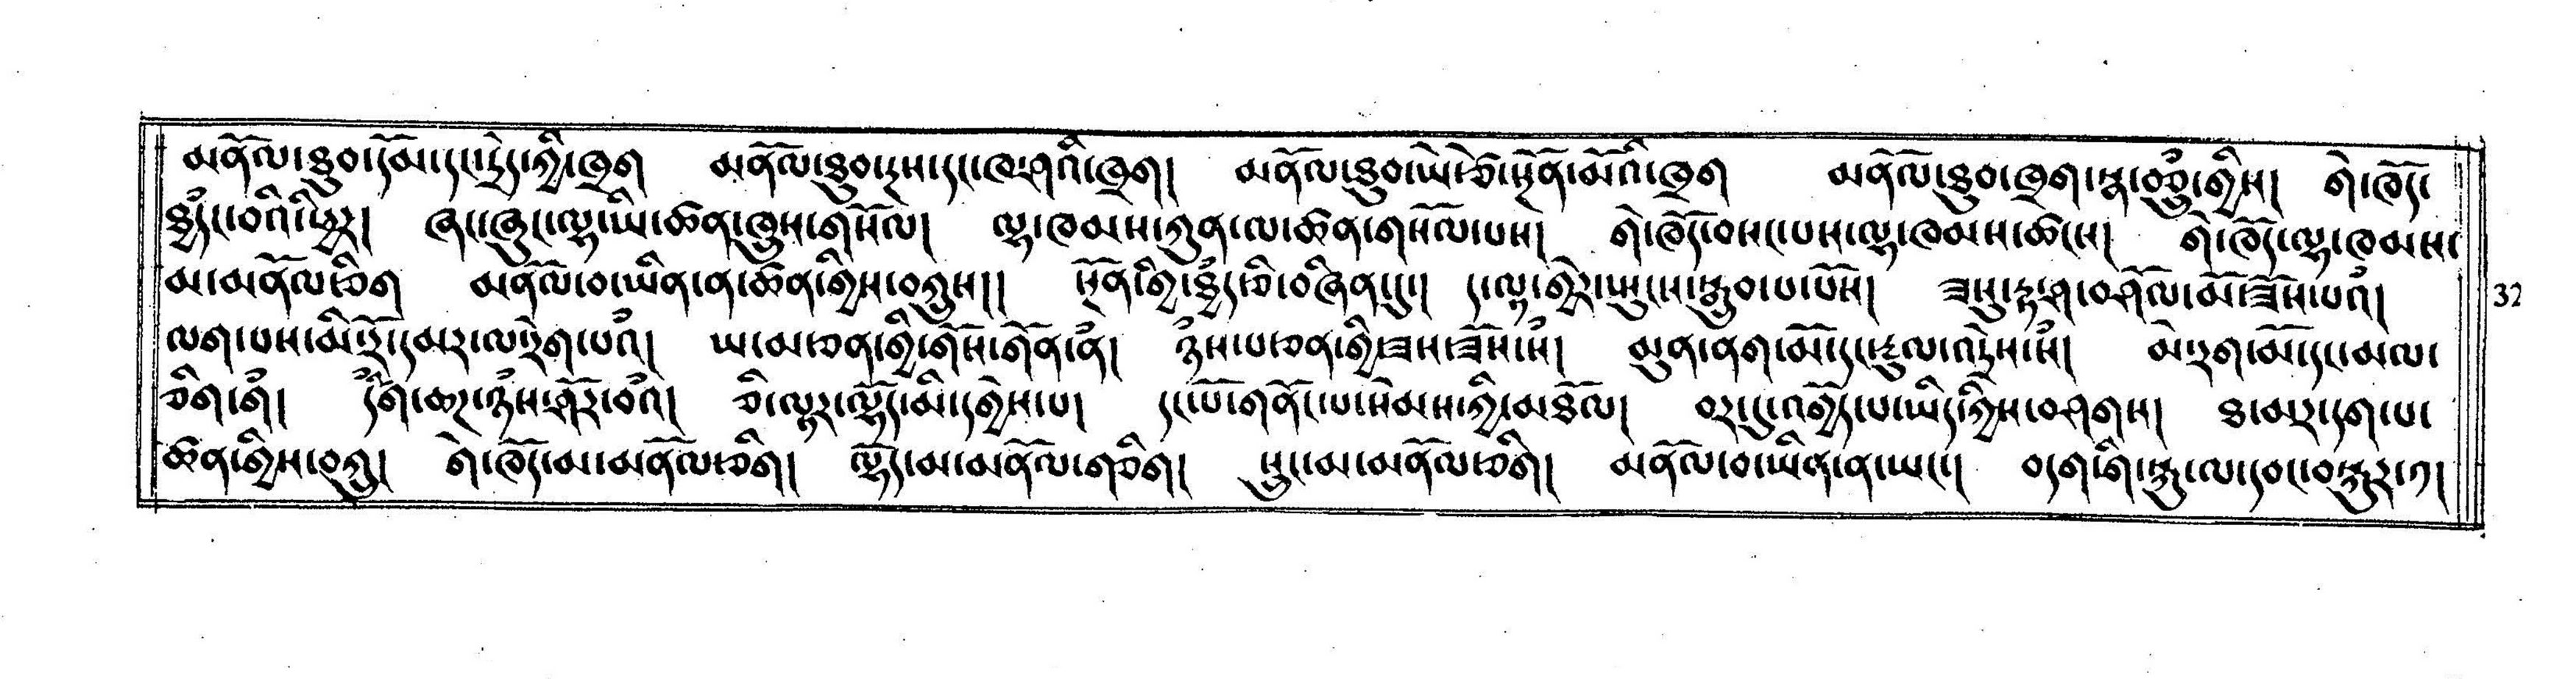མནོལ་ཐུབ་དོམ་དང་དྲེད་ཀྱི་ཁྲག མནོལ་ཐུབ་རྔས་དང་ཁ་ཤའི་ཁྲག མནོལ་ཐུབ་ཡེ་ཙེ་སྔོན་མོའི་ཁྲག མནོལ་ཐུབ་ཁྲག་སྣ་བཅུ་གསུམ་གྱིས། གེ་ཁོད་
ཐུགས་དམ་བསྐང་བའི་ཕྱིར། ཞང་ཞུང་ལྷ་ཡི་ཚན་ཁྲུས་གསོལ། ལྷ་ཁམས་ཀུན་ལ་ཚན་གསོལ་པས། གེ་ཁོད་བསང་པས་ལྷ་ཁམས་ཚངས། གེ་ཁོད་ལྷ་ཁམས་
མ་མནོལ་ཅིག །མནོལ་བ་ཡིན་ན་ཚན་གྱིས་བཀྲུས།། སྔོན་གྱི་ཐུགས་དམ་ཅི་བཞིན་དུ། ད་ལྟ་གྱེར་སྤུངས་སྒྲུབ་པ་པོས། ཟས་སུ་རྟ་ཤ་བཤོལ་མོ་ཟོས་པའམ། 
ལག་པས་མི་རོ་དམར་ལ་རེག་པའམ། ཡ་མ་ཅན་གྱི་གོས་གོན་ནམ། ཉམས་པ་ཅན་གྱི་ཟས་ཟོས་སམ། མུན་ནག་མོ་དང་རྔུལ་འདྲེས་སམ། མེ་༼དམེ༽རག་མོ་དང་མལ་
ཅིག་གམ། དམ་ཚིག་ཆགས་ཉམས་ཤོར་བའམ། ཅི་ལྟར་ལྷ་རྒོད་མི་དགྱེས་པ། དང་པོ་གནོང་པ་སེམས་ཀྱིས་མཐོལ། བར་དུ་འགྱོད་པ་ཡིད་ཀྱིས་བཤགས། ཐ་མར་དག་པ་
ཚན་གྱིས་བཀྲུ། གེ་ཁོད་མ་མནོལ་ཅིག ལྷ་རྒོད་མ་མནོལ་གཅིག སྲུང་མ་མ་མནོལ་ཅིག མནོལ་བ་ཡིན་ན་ཡང་། བདག་གི་སྐུ་ལ་དབང་བསྐུར་གཅིག